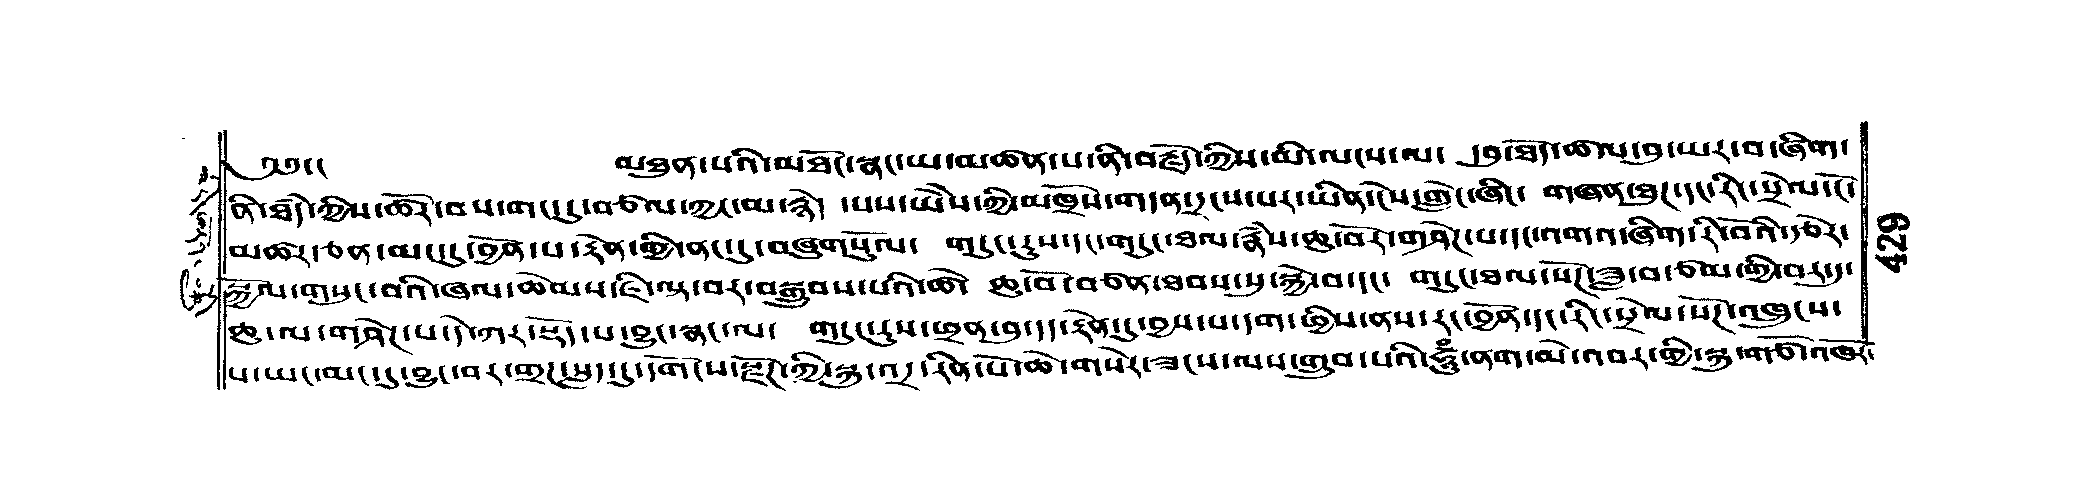མཐུན་པའི་མཐོང་སྣང་ཡ་མཚན་པ་ནི་བརྗོད་ཀྱིས་མི་ལང་ལ། དབུ་ཐོད་ཚལ་བུ་ཡར་བ་ཞིག་
ནི་ཐམས་ཅད་ཀྱིས་ཚོར་བས་གང་དུ་བཙལ་ཀྱང་མ་རྙེད་པས་ཡེ་ཤེས་ཀྱི་མཁའ་འགྲོས་གདན་དྲངས་པར་ཡིན་ངེས་གླེང་ཞིང་། གཞན་ཐུགས་དང་རིང་སྲེལ་ངོ་
མཚར་ཅན་མང་དུ་བྱོན་པ་རྟེན་གྱི་ནང་དུ་བཞུགས་སུ་གསོལ། གདུང་རུས་དང་གདུང་ཐལ་རྣམས་ཆུ་བོར་གཤེགས་པ་དང་འགའ་ཞིག་རི་བོའི་རྩེར་
སྐྱོལ་གསུངས་བའི་ཞལ་ཆེམས་ཇི་ལྟ་བར་བསྒྲུབས་པའི་ཚེ། ཆུ་བོ་བཙན་ཐབས་སུ་སྐྱོམ་བ་དང་། གདུང་ཐལ་སོགས་ཟླ་བ་ཙམ་གྱི་བར་དུ་
ཆུ་ལ་གཤེགས་པ་དེ་ཁར་སྡོད་པ་བྱུང་སྣང་ལ། གདུང་རུས་ཕྲན་བུ་དད་རྟེན་དུ་བྱས་པ་དག་ཕྱིས་ནས་རང་བྱོན་དང་རིང་སྲེལ་སོགས་འཁྲུངས་པ་
ཡང་མང་དུ་བྱུང་བར་གྲགས། སླད་དུ་དགོངས་རྫོགས་ཀྱི་སྐུ་འདྲ་རིན་པོ་ཆེ་གསེར་ཟངས་ལས་གྲུབ་པའི་ཧཱུྃ་ནག་མེ་འབར་གྱི་སྐུ་གཙོ་འཁོར་